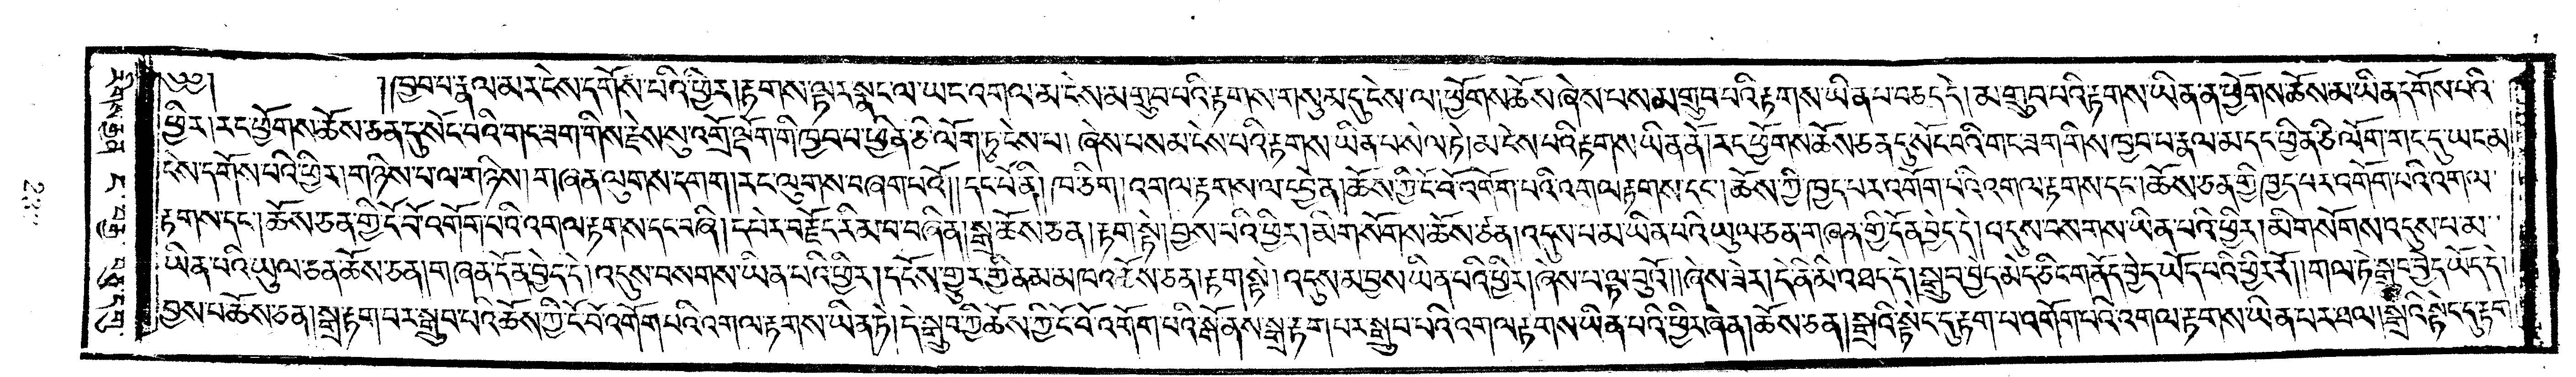༄༅། །ཁྱབ་པ་རྣལ་མར་ངེས་དགོས་པའི་ཕྱིར། རྟགས་ལྟར་སྣང་ལ་ཡང་འགལ་མ་ངེས་མ་གྲུབ་པའི་རྟགས་གསུམ་དུ་ངེས་ལ། ཕྱོགས་ཆོས་ཞེས་པས་མ་གྲུབ་པའི་རྟགས་ཡིན་པ་བཅད་དེ། མ་གྲུབ་པའི་རྟགས་ཡིན་ན་ཕྱོགས་ཆོས་མ་ཡིན་དགོས་པའི་
ཕྱིར། རང་ཕྱོགས་ཆོས་ཅན་དུ་སོང་བའི་གང་ཟག་གིས་རྗེས་སུ་འགྲོ་ལྡོག་གི་ཁྱབ་པ་ཕྱིན་ཅི་ལོག་ཏུ་ངེས་པ། ཞེས་པས་མ་ངེས་པའི་རྟགས་ཡིན་པ་སེལ་ཏེ། མ་ངེས་པའི་རྟགས་ཡིན་ན། རང་ཕྱོགས་ཆོས་ཅན་དུ་སོང་བའི་གང་ཟག་གིས་ཁྱབ་པ་རྣལ་མ་དང་ཕྱིན་ཅི་ལོག་གང་དུ་ཡང་མ་
ངེས་དགོས་པའི་ཕྱིར། གཉིས་པ་ལ་གཉིས། གཞན་ལུགས་དགག །རང་ལུགས་བཞག་པའོ། །དང་པོ་ནི། ཁ་ཅིག །འགལ་རྟགས་ལ་དབྱེ་ན། ཆོས་ཀྱི་ངོ་བོ་འགོག་པའི་འགལ་རྟགས་དང་། ཆོས་ཀྱི་ཁྱད་པར་འགོག་པའི་འགལ་རྟགས་དང་། ཆོས་ཅན་གྱི་ཁྱད་པར་འགོག་པའི་འགལ་
རྟགས་དང་། ཆོས་ཅན་གྱི་ངོ་བོ་འགོག་པའི་འགལ་རྟགས་དང་བཞི། དཔེར་བརྗོད་རིམ་པ་བཞིན། སྒྲ་ཆོས་ཅན། རྟག་སྟེ། བྱས་པའི་ཕྱིར། མིག་སོགས་ཆོས་ཅན། འདུས་པ་མ་ཡིན་པའི་ཡུལ་ཅན་གཞན་གྱི་དོན་བྱེད་དེ། འདུས་བསགས་ཡིན་པའི་ཕྱིར། མིག་སོགས་འདུས་པ་མ་
ཡིན་པའི་ཡུལ་ཅན་ཆོས་ཅན། གཞན་དོན་བྱེད་དེ། འདུས་བསགས་ཡིན་པའི་ཕྱིར། དངོས་གྱུར་གྱི་ནམ་མཁའ་ཆོས་ཅན། རྟག་སྟེ། འདུས་མ་བྱས་ཡིན་པའི་ཕྱིར། ཞེས་པ་ལྟ་བུའོ། །ཞེས་ཟེར། དེ་ནི་མི་འཐད་དེ། སྒྲུབ་བྱེད་མེད་ཅིང་གནོད་?་བྱེད་ཡོད་པའི་ཕྱིར་རོ། །གལ་ཏེ་སྒྲུབ་བྱེད་ཡོད་དེ།
བྱས་པ་ཆོས་ཅན། སྒྲ་རྟག་པར་སྒྲུབ་པའི་ཆོས་ཀྱི་ངོ་བོ་འགོག་པའི་འགལ་རྟགས་ཡིན་ཏེ། དེ་སྒྲུབ་ཀྱི་ཆོས་ཀྱི་ངོ་བོ་འགོག་པའི་སྒོ་ནས་སྒྲ་རྟག་པར་སྒྲུབ་པའི་འགལ་རྟགས་ཡིན་པའི་ཕྱིར་ཞེ་ན། ཆོས་ཅན། སྒྲའི་སྟེང་དུ་རྟག་པ་འགོག་པའི་འགལ་རྟགས་ཡིན་པར་ཐལ། སྒྲའི་སྟེང་དུ་རྟག་